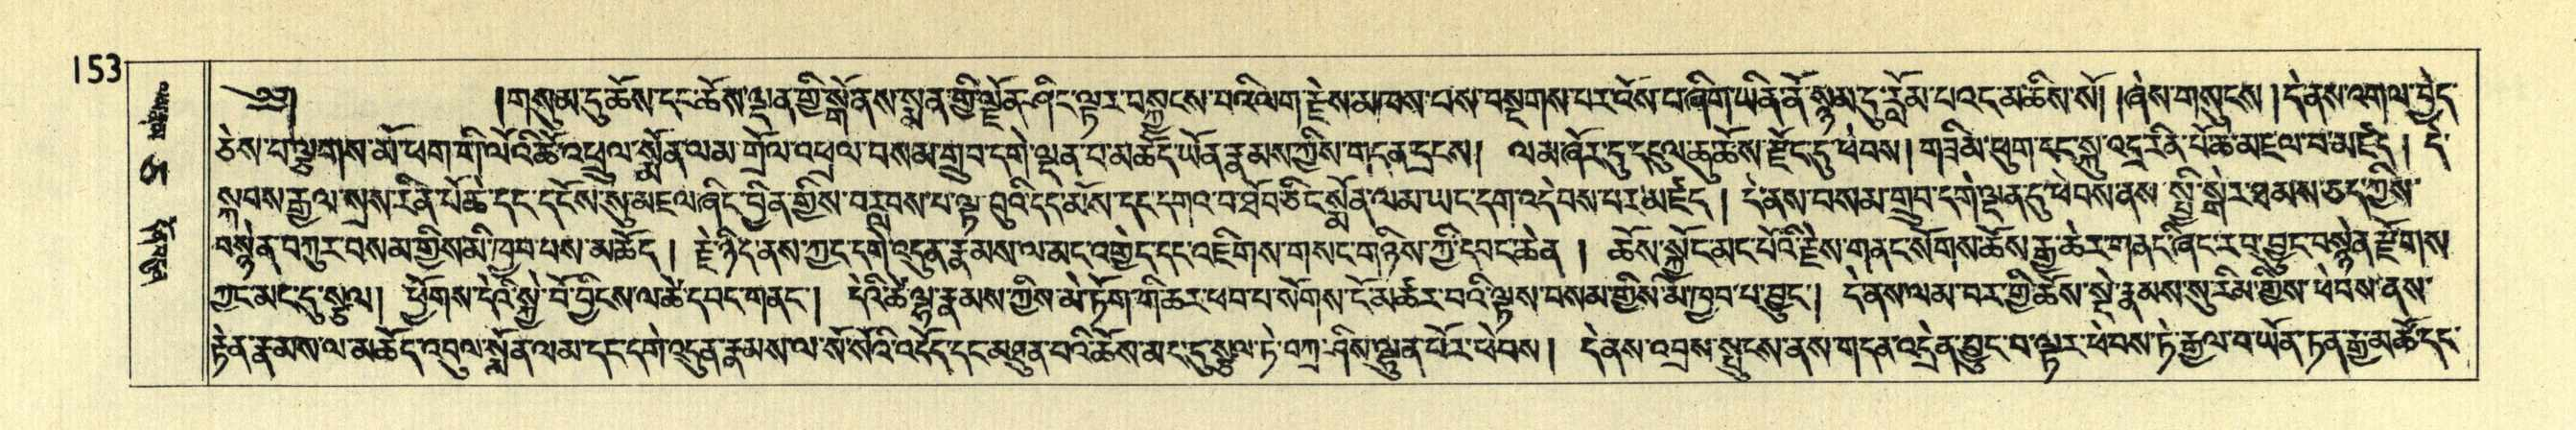༄༅། །གསུམ་དུ་ཆོས་དང་ཆོས་ལྡན་གྱི་སྒོ་ནས་སྨན་གྱི་ལྗོན་ཤིང་ལྟར་བསྐྱངས་པའི་ལག་རྗེས་མཁས་པས་བསྔགས་པར་འོས་པ་ཞིག་ཡིན་ནོ་སྙམ་དུ་རློམ་པའང་མཆིས་སོ། །ཞེས་གསུངས། །དེ་ནས་འགལ་བྱེད་
ཅེས་པ་ལྕགས་མོ་ཕག་གི་ལོའི་ཚོ་འཕྲུལ་སྨོན་ལམ་གྲོལ་འཕྲལ་བསམ་གྲུབ་དགེ་ལྡན་པ་མཆོད་ཡོན་རྣམས་ཀྱིས་གདན་དྲངས། ལམ་ཞོར་དུ་དངུལ་ཆུ་ཆོས་རྫོང་དུ་ཕེབས། གཟིམ་ཕུག་དང་སྐུ་འདྲ་རིན་པོ་ཆེ་མཇལ་བ་མཛད། དེ་
སྐབས་རྒྱལ་སྲས་རིན་པོ་ཆེ་དང་དངོས་སུ་མཇལ་ཞིང་བྱིན་གྱིས་བརླབས་པ་ལྟ་བུའི་དད་མོས་དང་དགའ་བ་ཐོབ་ཅིང་སྨོན་ལམ་ཡང་དག་འདེབས་པར་མཛད། དེ་ནས་བསམ་གྲུབ་དགེ་ལྡན་དུ་ཕེབས་ནས་སྤྱི་སྒེར་ཐམས་ཅད་ཀྱིས་
བསྙེན་བཀུར་བསམ་གྱིས་མི་ཁྱབ་པས་མཆོད། རྗེ་ཉིད་ནས་ཀྱང་དགེ་འདུན་རྣམས་ལ་མང་འགྱེད་དང་འཇིགས་གསང་གཉིས་ཀྱི་དབང་ཆེན། ཆོས་སྐྱོང་མང་པོའི་རྗེས་གནང་སོགས་ཆོས་རྒྱ་ཆེར་གནང་ཞིང་རབ་བྱུང་བསྙེན་རྫོགས་
ཀྱང་མང་དུ་སྩལ། ཕྱོགས་དེའི་སྐྱེ་བོ་བྱིངས་ལ་ཚེ་དབང་གནང་། དེའི་ཚེ་ལྷ་རྣམས་ཀྱིས་མེ་ཏོག་གི་ཆར་ཕབ་པ་སོགས་ངོ་མཚར་བའི་ལྟས་བསམ་གྱིས་མི་ཁྱབ་པ་བྱུང་། དེ་ནས་ལམ་བར་གྱི་ཆོས་སྡེ་རྣམས་སུ་རིམ་གྱིས་ཕེབས་ནས་
རྟེན་རྣམས་ལ་མཆོད་འབུལ་སྨོན་ལམ་དང་དགེ་འདུན་རྣམས་ལ་སོ་སོའི་འདོད་དང་མཐུན་པའི་ཆོས་མང་དུ་སྩལ་ཏེ་བཀྲ་ཤིས་ལྷུན་པོར་ཕེབས། དེ་ནས་འབྲས་སྤུངས་ནས་གདན་འདྲེན་བྱུང་བ་ལྟར་ཕེབས་ཏེ་རྒྱལ་བ་ཡོན་ཏན་རྒྱ་མཚོ་དང་